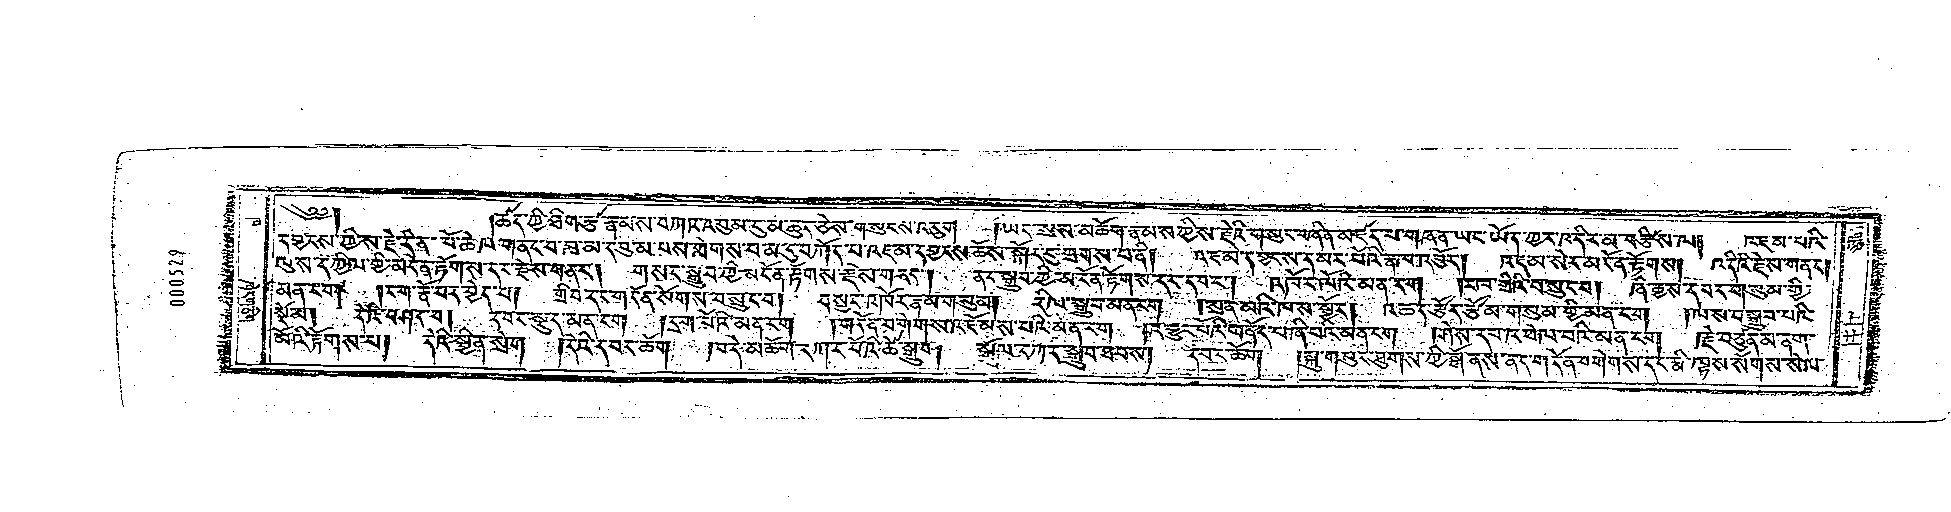༄༅། །ཚད་ཀྱི་ཐིག་རྩ་རྣམས་བཀའ་འབུམ་དུ་མ་ཆུང་ཅེས་གསུངས་འདུག །ཡང་སྲས་མཆོག་རྣམས་ཀྱིས་རྗེའི་གསུང་བཞིན་མཛད་པ་གཞན་ཡང་ཡོད་ཀྱང་འདིར་མ་བརྩིས་ལ། འཇམ་པའི་
དབྱངས་ཀྱིས་རྗེ་རིན་པོ་ཆེ་ལ་གནང་བ་བླ་མ་དབུ་མ་པས་གླེགས་བམ་དུ་བཀོད་པ་འཇམ་དབྱངས་ཆོས་སྐོར་དུ་གྲགས་པ་ནི། འཇམ་དབྱངས་དམར་པོའི་རྣལ་འབྱོར། འཇམ་སེར་མངོན་རྟོགས། འདིའི་རྗེས་གནང་།
ལུས་དཀྱིལ་གྱི་མངོན་རྟོགས་དང་རྗེས་གནང་། གསང་སྒྲུབ་ཀྱི་མངོན་རྟོགས་རྗེས་གནང་། ནང་སྒྲུབ་ཀྱི་མངོན་རྟོགས་དང་དབང་། འཁོར་ལོའི་མན་ངག །རལ་གྲིའི་བསྲུང་བ། ཞི་རྒྱས་དབང་གསུམ་གྱི་
མན་ངག །ངག་རྣོ་བར་བྱེད་པ། གྲིབ་དང་གྔོན་སོགས་བསྲུང་བ། བསྲུང་འཁོར་རྣམ་གསུམ། རིལ་སྒྲུབ་མན་ངག །སྲན་མའི་ལས་སྦྱོང་། འཆད་རྩོད་རྩོམ་གསུམ་གྱི་མན་ངག །ལས་བསྐྲུབ་པའི་
སྔོམ། དེའི་བཤད་བ། དབང་སྡུད་མན་ངག །དྲག་པོའི་མན་ངག །གདོན་བགེགས་འཇོམས་པའི་མན་ངག །འབྱུང་པོའི་གནོད་པ་ཞི་བའི་མན་ངག །ཤེས་རབ་འཕེལ་བའི་མན་ངག །རྗེ་བཙུན་མ་ནག་
མོའི་རྟོགས་པ། དེའི་སྤྱིན་སྲེག །དེའི་དབང་ཆོག །བདེ་མཆོག་དཀར་པོའི་ཚེ་སྒྲུབ། སྒྲོལ་དཀར་སྒྲུབ་ཐབས། དབང་ཆོག །སྐུ་གསུང་ཐུགས་ཀྱི་སྒོ་ནས་ནང་གདོན་བགེགས་དང་རྨི་ལྟས་སོགས་སིལ་